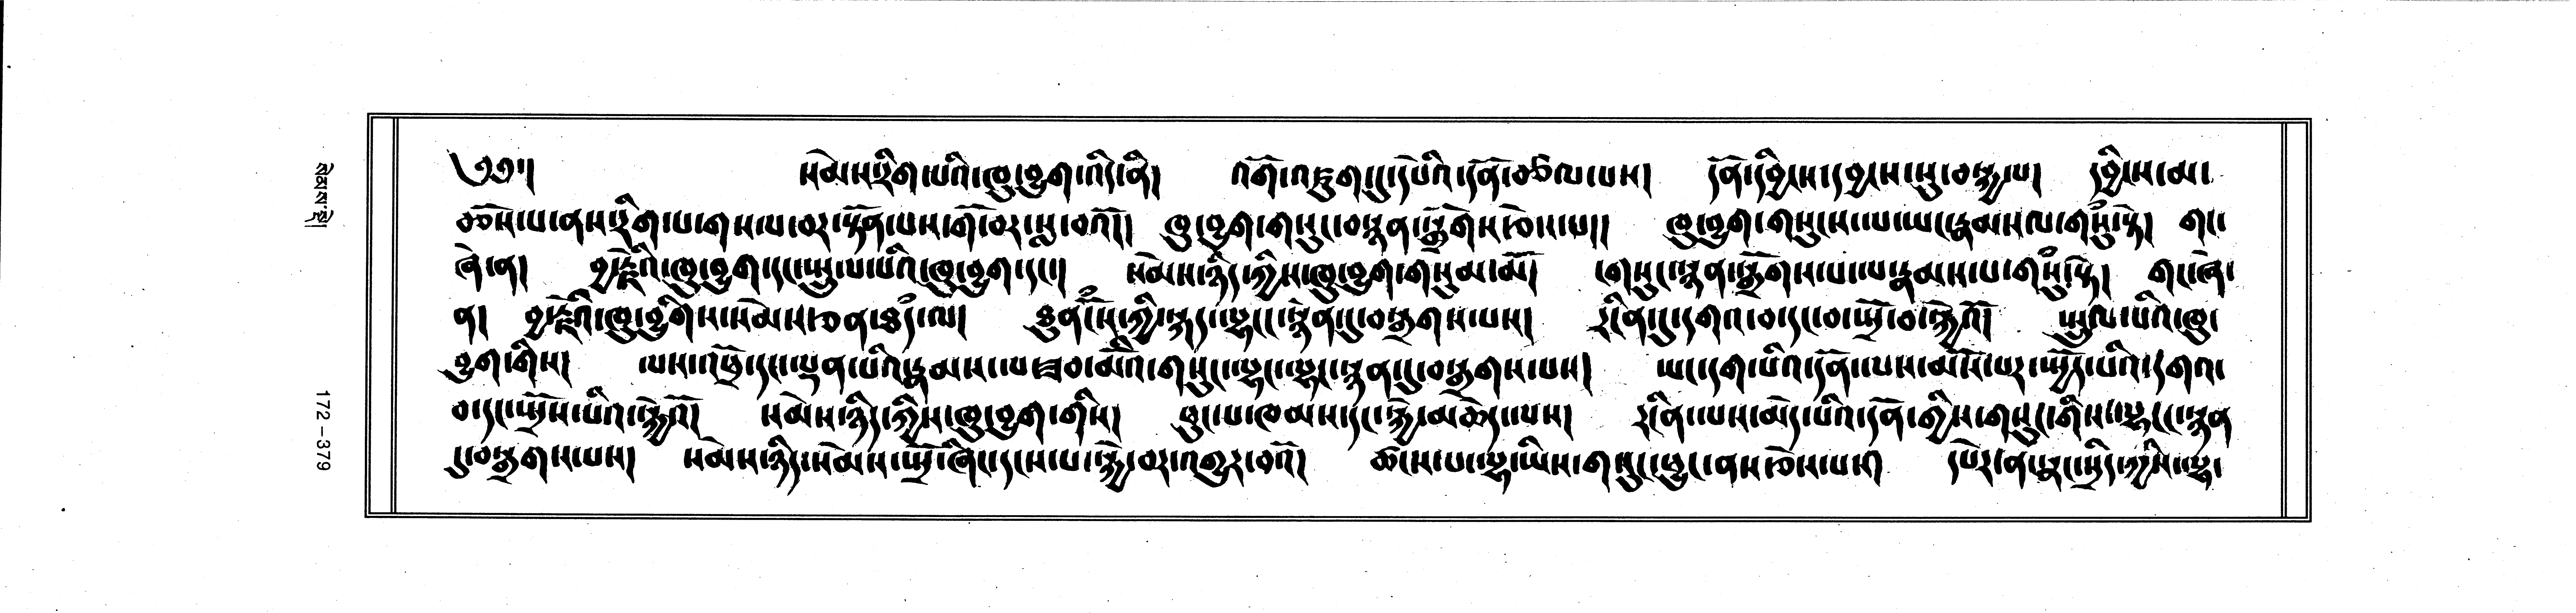སེམས་རིག་པའི་ཁུ་བྱུག་འདི་ནི། འགོ་འཇུག་དུ་དཔེའི་དོན་བཙལ་པས། དོན་དབྱིངས་དབྱངས་སུ་བསྐྱལ། དབྱིངས་མ་
བཅོས་པ་ནས་རིག་པ་གསལ་བར་སྟོན་པས་གོ་བར་སླ་བའོ། ཁུ་བྱུག་གསུང་བསྙན་སྒྲོགས་ཅེས་པ། ཁུ་བྱུག་གསུངས་ལ་ཡང་རྣམ་པ་གསུམ་སྟེ། གང་
ཞེ་ན། བྱ་རྗེའི་ཁུ་བྱུག་དང་སྤྲུལ་པའི་ཁུ་བྱུག་དང་། སེམས་ཉིད་ཀྱིས་ཁུ་བྱུག་གསུམ་མོ། ངག་གསུང་སྙན་སྒྲོགས་པ་ལ་རྣམ་པ་གསུམ་སྟེ། གང་ཞེ་
ན། བྱ་རྗེའི་ཁུ་བྱུག་གིས་སེམས་ཅན་ཐམས་ཅད་ལ། ཐུན་མོངས་ཀྱི་སྐད་ལྷང་ལྷང་སྙེན་དུ་བསྒྲགས་པས། རང་བཞིན་དུ་དགའ་བ་དྭངས་བ་སྤྲོ་བ་སྐྱེའོ། སྤྲུལ་པའི་ཁུ་
བྱུག་གིས། ལས་འཕྲོ་དང་ལྡན་པའི་རྣམས་ལ་ཟབ་མོའི་གསུང་ལྷང་ལྷང་སྙན་དུ་བསྒྲགས་པས། ཡང་དག་པའི་དོན་ལས་མོས་པར་སྤྱོད་པའི་དགའ་
བ་དང་སྤྲོས་པའི་སྐྱེའོ། སེམས་ཉིད་ཀྱིས་ཁུ་བྱུག་གིས། ཕུང་པོ་ཁམས་དང་སྐྱེ་མཆེད་ལས། རང་བཞིན་ལས་མེད་པའི་དོན་གྱིས་གསུང་གིས་ལྷང་ལྷང་སྙན་
དུ་བསྒྲགས་པས། སེམས་ཉིད་སེམས་སྤྲོ་ཞིང་དྭངས་པ་སྐྱེ་བར་འགྱུར་བའོ། ཚངས་པ་ལྷ་ཡིས་གསུང་ཕྱུང་ནས་ཅེས་པས། དཔེར་ན་སྣང་སྲིད་ཀྱིས་ལྷ་